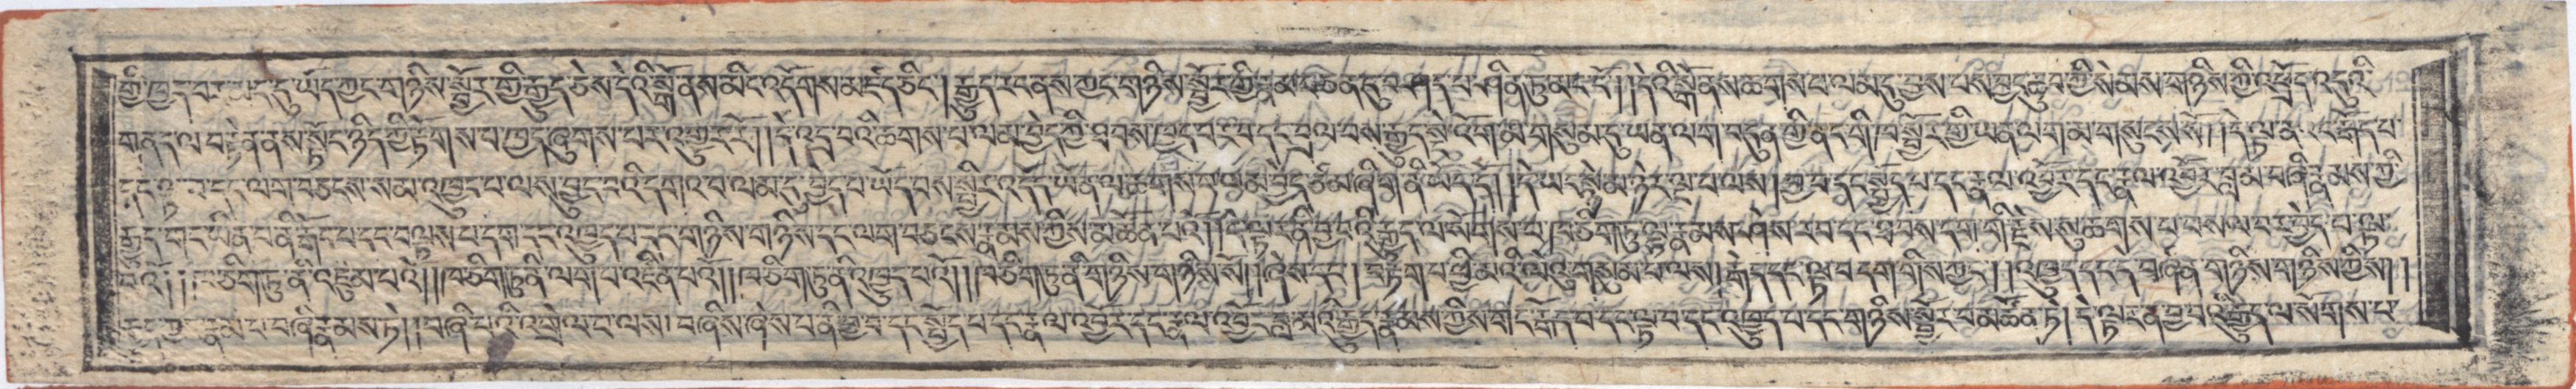གྱི་ཁྱད་པར་མང་དུ་ཡོད་ཀྱང་གཉིས་སྦྱོར་གྱི་རྒྱུད་ཅེས་དེའི་སྒོ་ནས་མིང་འདོགས་མཛད་ཅིང་། རྒྱུད་རང་ནས་ཀྱང་གཉིས་སྦྱོར་གྱི་རྣམ་པ་ཅན་དུ་བཤད་པ་ཤིན་ཏུ་མང་ངོ། །དེའི་སྒོ་ནས་ཆགས་པ་ལམ་དུ་བྱས་པས་བྱང་ཆུབ་ཀྱི་སེམས་གཉིས་ཀྱི་འཕྲོད་འདུའི་
གནད་ལ་བརྟེན་ནས་སྟོང་ཉིད་ཀྱི་རྟོགས་པ་ཁྱད་ཞུགས་པར་འགྱུར་རོ། །དེ་འདྲ་བའི་ཆགས་པ་ལམ་བྱེད་ཀྱི་ཐབས་ཁྱད་པར་བ་དང་བྲལ་བས་རྒྱུད་སྡེ་འོག་མ་གསུམ་དུ་ཡན་ལག་བདུན་གྱི་ནང་གི་ཁ་སྦྱོར་གྱི་ཡན་ལག་མ་གསུངས་སོ། །དེ་ལྟ་ནའང་རྒོད་པ་
དང་ལྟ་བ་དང་ལག་བཅངས་སམ་འཁྱུད་པ་ལས་བྱུང་བའི་དག་བ་ལམ་དུ་བྱེད་པ་ཡོད་པས་སྤྱིར་འདོད་ཡོན་ལ་ཆགས་པ་ལམ་བྱེད་ཙམ་ཞིག་ནི་ཡོད་དོ། །དེ་ཡང་སྙེ་མ་ཉེར་ལྔ་པ་ལས། བྱ་བ་དང་སྤྱོད་པ་དང་རྣལ་འབྱོར་དང་རྣལ་འབྱོར་བླ་མ་བཞི་རྣམས་ཀྱི་
རྒྱུད་གང་ཡིན་པ་ནི་རྒོད་པ་དང་བལྟས་པ་དག་དང་འཁྱུད་པ་དང་གཉིས་གཉིས་དང་ལག་བཅངས་རྣམས་ཀྱིས་མཚོན་པའོ། །དེ་ལྟར་ནི་བྱ་བའི་རྒྱུད་ལ་སོགས་པ་ཁ་ཅིག་ཏུ་ལྷ་རྣམས་ཤེས་རབ་དང་ཐབས་དག་གི་རྗེས་སུ་ཆགས་པ་བསལ་བར་བྱེད་པ་ལྟ་
བའོ༑ ༑ཁ་ཅིག་ཏུ་ནི་འཛུམ་པའོ། །ཁ་ཅིག་ཏུ་ནི་ལག་པ་འཛིན་པའོ། །ཁ་ཅིག་ཏུ་ནི་འཁྱུད་པའོ། །ཁ་ཅིག་ཏུ་ནི་གཉིས་གཉིས་སོ། །ཞེས་དང་། བརྟག་པ་ཕྱི་མའི་ལེའུ་གསུམ་པ་ལས། རྒོད་དང་ལྟ་བ་དག་གིས་ཀྱང་། །འཁྱུད་དང་དེ་བཞིན་གཉིས་གཉིས་ཀྱིས། །
རྒྱུད་ཀྱང་རྣམ་པ་བཞི་རྣམས་ཏེ། །བཞི་པའི་འགྲེལ་པ་ལས། བཞིས་ཞེས་པ་ནི་བྱ་བ་དང་སྤྱོད་པ་དང་རྣལ་འབྱོར་དང་རྣལ་འབྱོར་བླ་མའི་རྒྱུད་རྣམས་ཀྱིས་གང་རྒོད་པ་དང་ལྟ་བ་དང་འཁྱུད་བ་དང་གཉིས་སྦྱོར་བ་མཚོན་ཏེ། དེ་ལྟར་ན་བྱ་བའི་རྒྱུད་ལ་སོགས་པ་